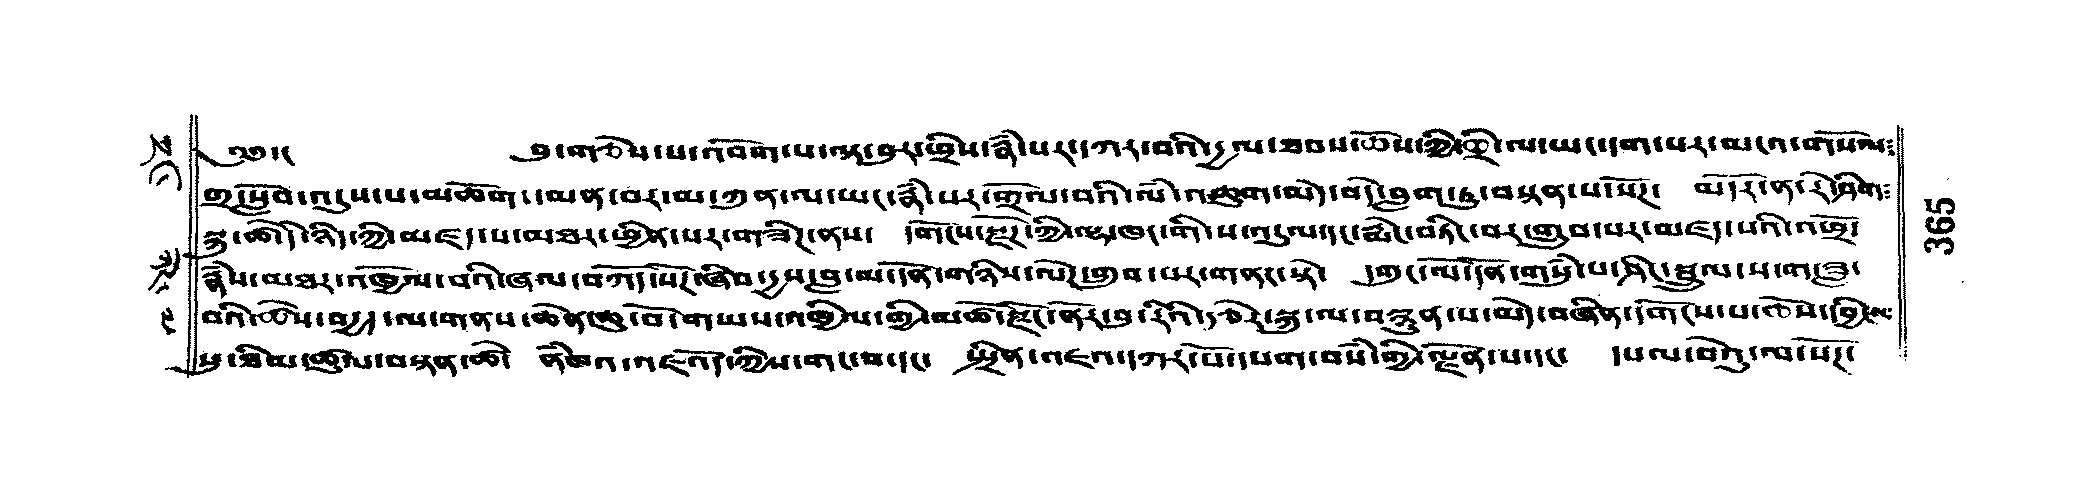བུ་གཅེས་པ་འབོགས་པ་ལྟ་བུར་ཕྲིན་ལས་རྣམ་པར་དཀར་བའི་རྒྱལ་ཐབས་ཆོས་ཀྱི་ཁྲི་ལ་ཡང་དག་པར་མངའ་གསོལ་
གྲྭ་སློབ་འདུས་པ་མཆོག་དམན་བར་མ་ཀུན་ལ་ཡང་རྣམ་པར་གྲོལ་བའི་ལམ་འཆུགས་མེད་བདེ་བླག་ཏུ་བསྟན་པ་སོགས། མདོར་ན་རེ་ཤིག་
སྐུ་ཚེ་དེ་ཉིད་ཀྱི་མཛད་པ་མཐར་ཕྱིན་པར་གཟིགས་ནས། དགོངས་རྫོགས་ཀྱི་ལྷ་ཁང་གི་ས་འདུལ་དང་རྨིང་བཏིང་བར་གྲུབ་པར་མཛད་པའི་འཕྲོ་
རྣམས་མཐར་འཁྱོལ་བའི་ཞལ་བཀོད་སོགས་ཞིབ་རྒྱས་བླ་མ་དོན་གཉིས་ལེགས་གྲུབ་པར་གནང་སྟེ། དགུང་ལོ་དོན་གསུམ་པ་ཤིང་སྦྲུལ་ས་ག་ཟླ་
བའི་ཚེས་བརྒྱད་ལ་གནས་ཆེན་ཆུ་བོ་གཡས་འཁྱིལ་གྱི་མཚོ་རྗོང་ནོར་བུ་རིའི་རྩེར་སྐུ་ལ་བསྙུན་པ་མེད་བཞིན་དགོངས་པ་ཆོས་དབྱིངས་
སུ་ཐིམ་ཚུལ་བསྟན་ཚེ། ནམ་མཁའ་འཇའ་འོད་ཀྱིས་གང་བ་དང་། སྤྲིན་འཇའ་དཀར་པོ་དཔག་བསམ་གྱི་ལྗོན་པ་དང་། དཔལ་བེའུ་ལ་སོགས་